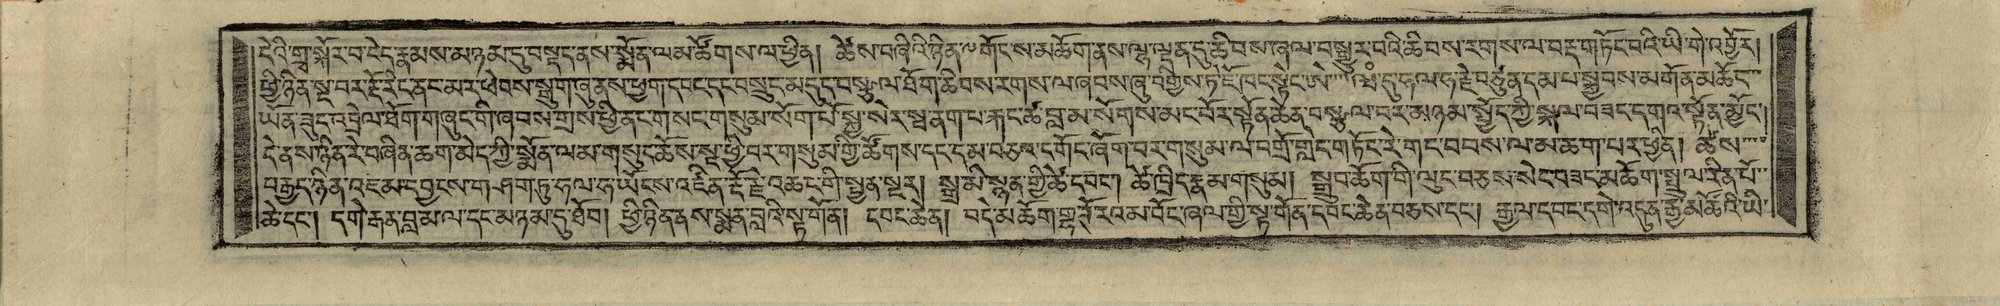དེའི་གྲྭ་སྐོར་བ་ངེད་རྣམས་མཉམ་དུ་བསྡད་ནས་སྨོན་ལམ་ཚོགས་ལ་ཕྱིན། ཚེས་བཞིའི་ཉིན་༧་གོང་ས་མཆོག་ནས་ལྷ་ལྡན་དུ་ཆིབས་ཞལ་བསྒྱུར་བའི་ཆིབས་རགས་ལ་བརྡ་གཏོང་བའི་ཡི་གེ་འབྱོར།
ཕྱི་ཉིན་སྔ་བར་རྡོ་རིང་ནང་མར་ཕེབས་སྒུག་ཞུ་ནས་ཕྱག་དབང་དང་བསྲུང་མདུད་བསྩལ་ཐོག་ཆིབས་རགས་ལ་ཞབས་ཞུ་བགྱིས་ཏེ་ཇོ་ཁང་སྟེང་ཨེ་ཝཾ་དུ་ཧལ་ཧ་རྗེ་བཙུན་དམ་པ་སྐྱབས་མགོན་མཆོད་
ཡོན་ཟུང་འབྲེལ་ཐོག་གཞུང་གི་ཞབས་གྲས་ཕྱི་ནང་གསང་གསུམ་སོག་པོ་སྐྱ་སེར་སྦ་ནག་པ་རྐང་ཚ་བླ་མ་སོགས་མང་པོར་སྟོན་ཆེན་བསྩལ་བར་མཉམ་སྤྱོད་ཀྱི་སྐལ་བཟང་དགའ་སྟོན་མྱོང་།
དེ་ནས་ཉིན་རེ་བཞིན་ཆག་མེད་ཀྱི་སྨོན་ལམ་གསུང་ཆོས་སྔ་ཕྱི་བར་གསུམ་གྱི་ཚོགས་དང་དམ་བཅའ་དགོང་ཞོག་བར་གསུམ་ལ་བགྲོ་གླིང་གཏོང་རེ་གང་བབས་ལ་མ་ཆག་པར་ཕྱིན། ཚེས་
བརྒྱད་ཉིན་འཇམ་དབྱངས་གཤག་ཏུ་ཧལ་ཧ་ཡོངས་འཛིན་རྡོ་རྗེ་འཆང་གི་སྤྱན་སྔར། སྒྲ་མི་སྙན་གྱི་ཚེ་དབང་། ཚེ་ཁྲིད་རྣམ་གསུམ། སྒྲུབ་ཆོག་གི་ལུང་བཅས་སེང་བཟང་མཆོག་སྤྲུལ་རིན་པོ་
ཆེ་དང་། དགེ་རྒན་བླ་མ་ལ་དང་མཉམ་དུ་ཐོབ། ཕྱི་ཉིན་ནས་སྨན་བླའི་སྟ་གོན། དབང་ཆེན། བདེ་མཆོག་གྷ་ཊོ་རའམ་བོང་ཞལ་གྒྱི་སྟ་གོན་དབང་ཆེན་བཅས་དང་། རྒྱལ་དབང་དགེ་འདུན་རྒྱ་མཚོའི་ཡི་